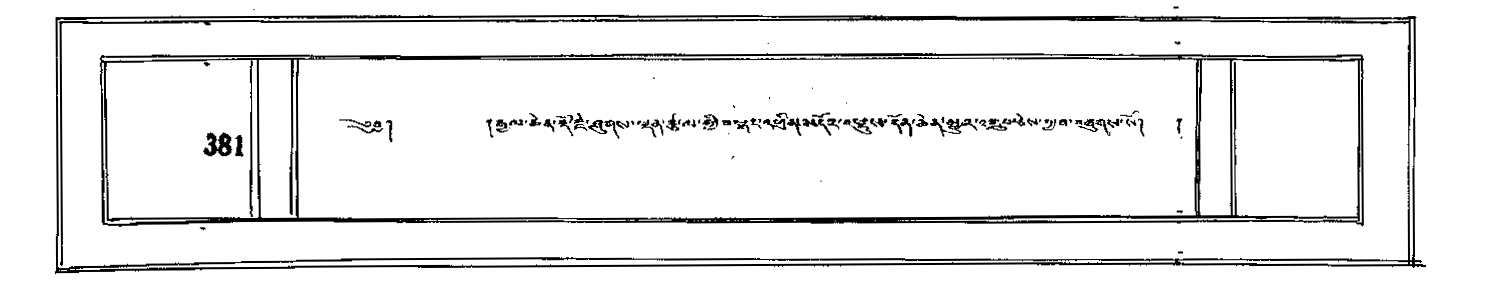༄༅། །རྒྱལ་ཆེན་རྡོ་རྗེ་ཤུགས་ལྡན་རྩལ་གྱི་བསྐང་འཕྲིན་མདོར་བསྡུས་དོན་ཆེན་མྱུར་འགྲུབ་ཅེས་བྱ་བ་བཞུགས་སོ། །